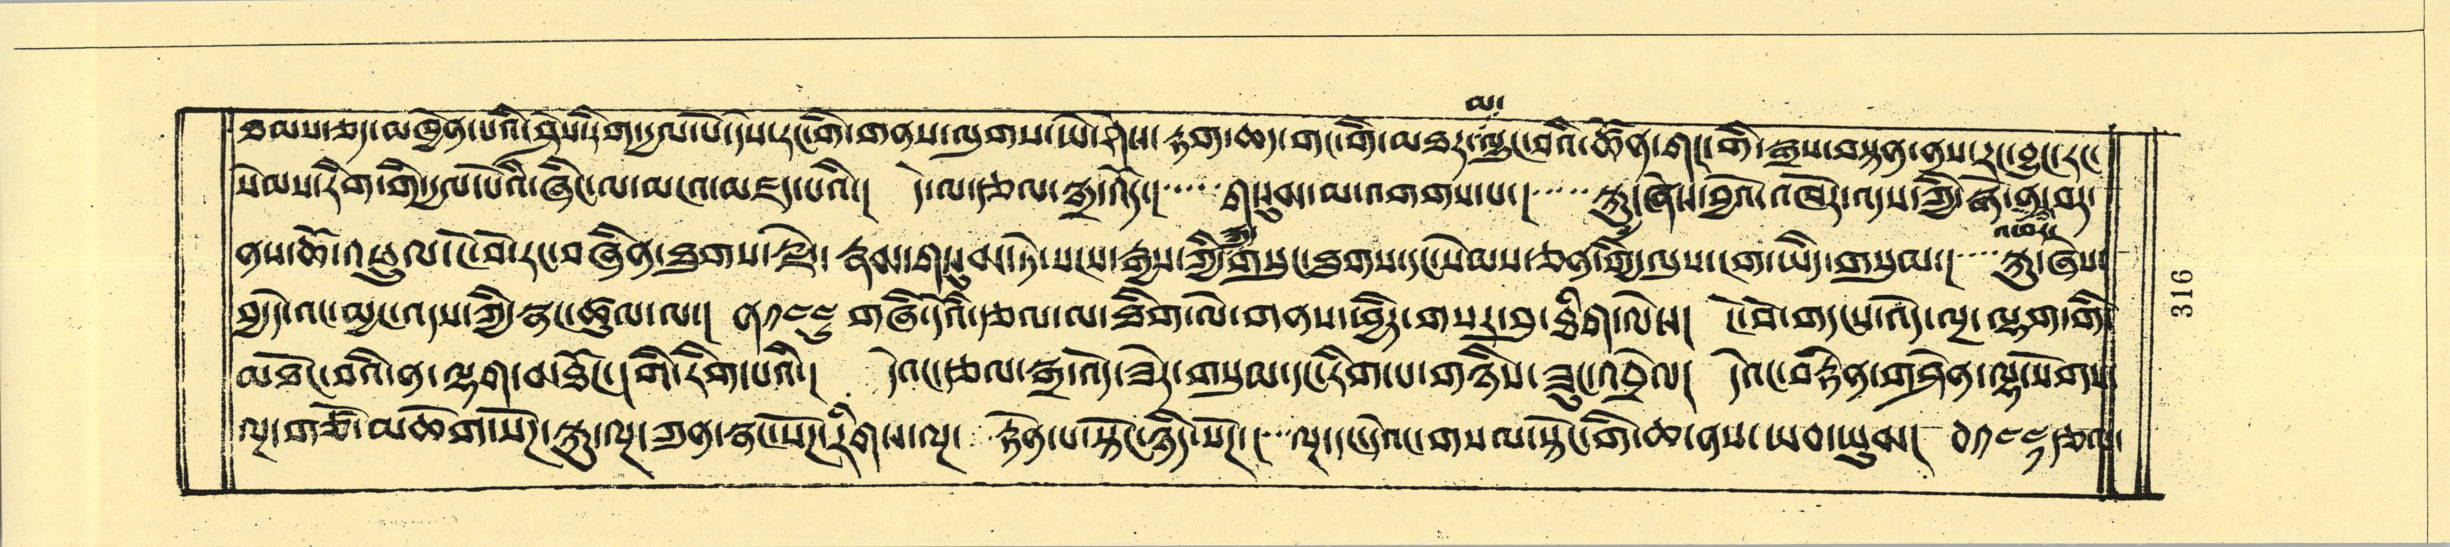ཐམས་ཅད་མཁྱེན་པའི་ཤེས་རིག་རྒྱལ་པོ་དེས་རང་གི་གནས་ལུགས་ ༼ཡེ་ཤེས་༽རྟག་ཆད་གང་གི་མཐར་མ་ལྷུང་བའི་ ༼ཚོན་གང་༽གི་སྒྲས་བསྟན་ནས་ ༼རང་བྱུང་༽རང་
སེམས་རིག་གི་རྒྱལ་པོའི་ཞིང་ལ་མངའ་མཛད་པའི། དེ་ལ་རྩལ་ ༼སྒྲ་འོད།༽ ༼གསུམ་༽མ་འགགས་པ། ༼སྐུ་ཞེས་༽བྱའོ་འཁོར་འདས་ཀྱི་སགོ་ནས་འཕར་བར་
ནས་ ༼ཆོ་འཕྲུལ་༽ངོ་བོ་རང་བཞིན་ཐུགས་རྗེས་ ༼རྣམ་གསུམ་༽ཏེ་སངས་རྒྱས་ཀྱི་སྐུ་གསུང་ཐུགས་དང་སེམས་ཅན་གྱི་ལུས་ངག་ཡིད་གསུམ། ༼སྐུ་༽ཞེས་
བྱ་དེ་འང་མྱང་འདས་ཀྱི་སྣང་ཚུལ་ལ། ན༡༤༤།༦ གཞི་དེའི་རྩལ་ལ་ཐིག་ལེ་གནས་ཕྱིར་གསར་བུ་ ༼ཐིག་ལེས་༽ངོ་བོ་གདངས་འོད་ལྔ་ལྷག་གི་
མཐོང་བའི་ན་ ༼ལྷག་མཐོང་།༽གི་རིག་པའི། དེའང་རྩལ་སྒྲ་འོད་ཟེར་གསུམ་དང་རིག་པ་གཉིས་ ༼ཟུང་འབྲེལ།༽དེའང་བརྟེན་གཤེན་ལྷ་སོགས་
ལྔ་གཙོ་མཆོག་སོགས་ ༼སྐུ་ལྔ་༽ཀུན་སྣང་སོགས་ ༼རིགས་ལྔ།༽རྟེན་པ་སྟོང་ཉིད་སོགས། ༼ལྔ་༽དང་དེའང་གསལ་སྟོང་གི་ཆ་ནས་ ༼ཡབ་ཡུམ།༽བ༡༤༤།༡ ༼རྩལ་༽